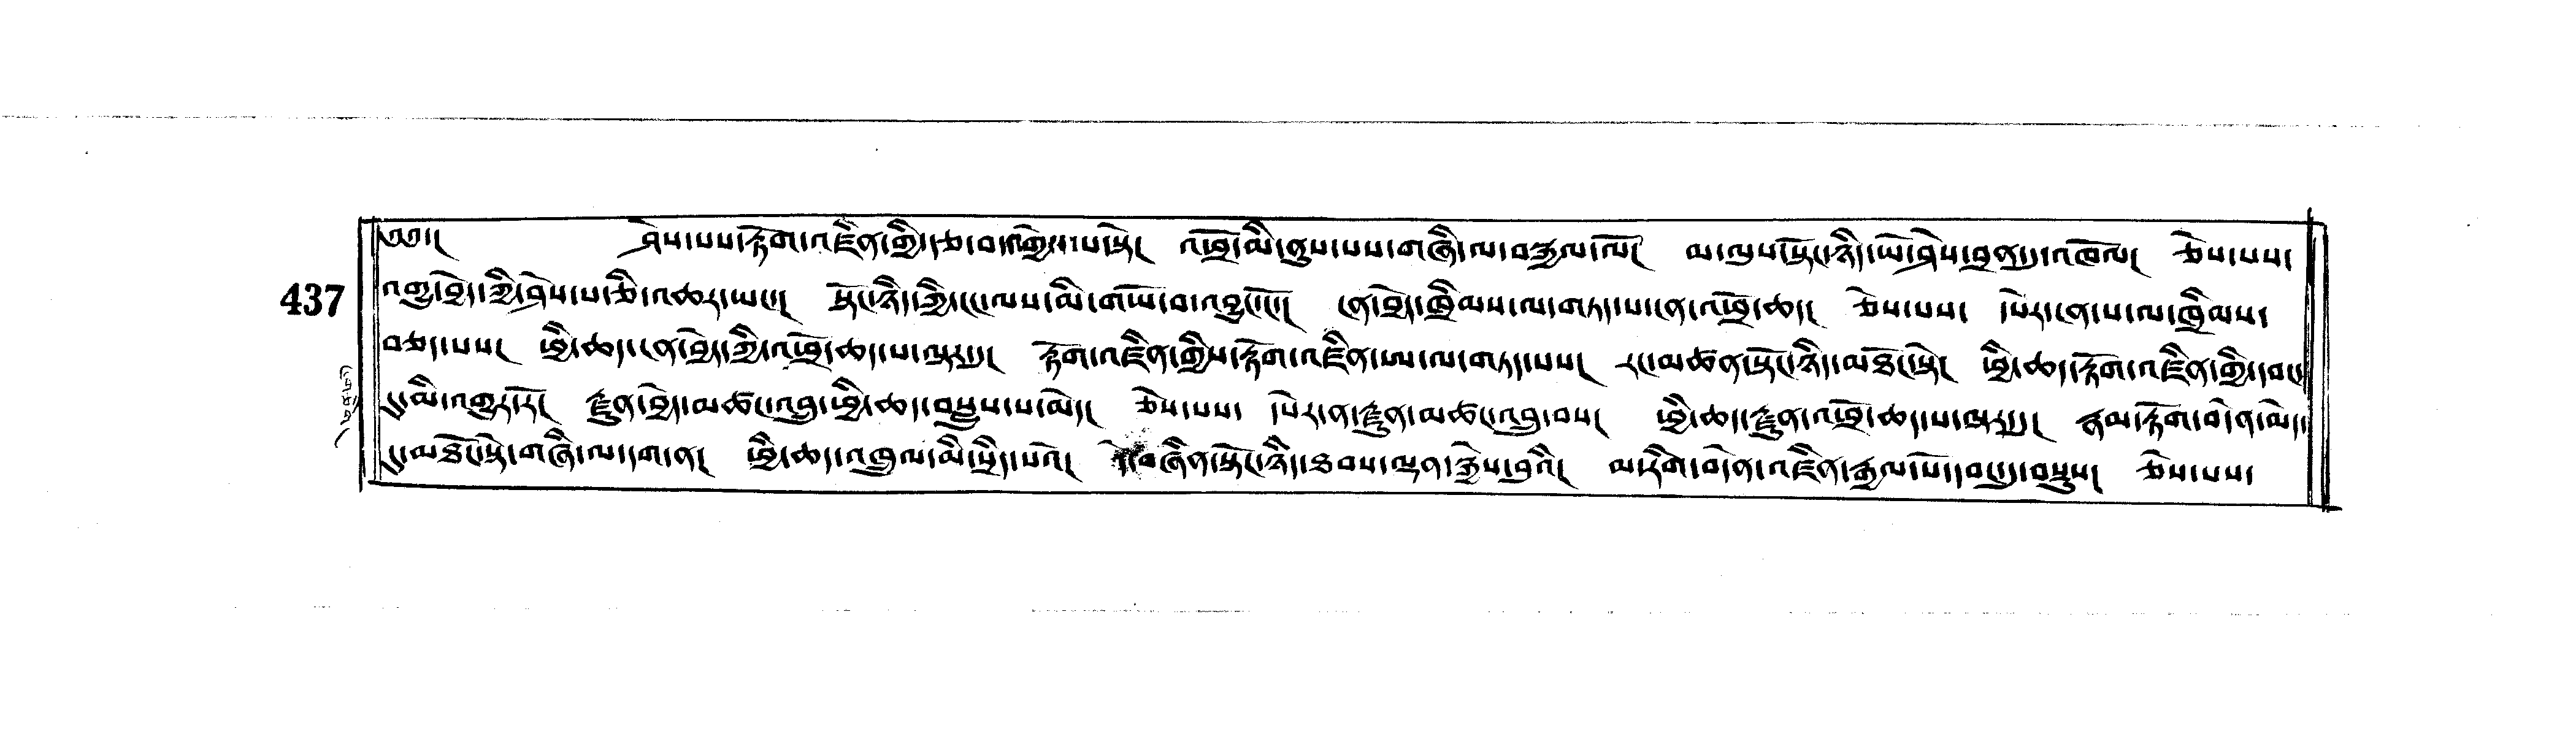ཤེས་པས་རྟོག་འཛིན་གྱི་རྩ་བ་འགྱེས་པ་སྟེ། འཕྲོ་མི་ནུས་པས་གཞི་ལ་བསྐྱལ་ལོ། མ་ལུས་སྟོང་ཉིད་ཡེ་ཤེས་བྲན་དུ་འཁོལ། ཅེས་པས། 
འགྱུ་བྱེད་ཀྱི་ཤེས་པ་ཅི་འཆར་ཡང་། སྟོང་ཉིད་ཀྱི་ངང་ལ་མི་གཡོ་བ་འབྱུང་ངོ་། ངན་བྱེད་ཁྲིམས་ལ་ཆད་པ་ངན་འཕྲོ་ཆད། ཅེས་པས། དཔེར་ངན་པ་ལ་ཁྲིམས་
བཅད་པས། ཕྱིན་ཆད་ངན་བྱེད་ཀྱི་འཕྲོ་ཆད་པ་ལྟར་དུ། རྟོག་འཛིན་གྱིས་རྟོག་འཛིན་ཨ་ལ་གཏད་པས། རང་མཚན་སྟོང་ཉིད་མཐོང་སྟེ། ཕྱིན་ཆད་རྟོག་འཛིན་གྱི་དབང་
དུ་མི་འགྱུར་རོ། རྫུན་བྱེད་འཚང་འབྲུ་ཕྱིན་ཆད་བསླུས་པ་མེད། ཅེས་པས། དཔེར་ན། རྫུན་འཚང་འབྲུ་བས། ཕྱི་ཆད་རྫུན་འཕྲོ་ཆད་པ་ལྟར་དུ། རྣམ་རྟོག་བདེན་མེད་
དུ་མཐོང་སྟེ་གཞི་ལ་དག་ན། ཕྱི་ཆད་འཁྲུལ་མི་སྲིད་པའོ། དེ་བཞིན་སྟོང་ཉིད་ཐབས་ལྡན་སྐྱེས་བུ་ཡིས། མ་རིག་བདེན་འཛིན་རྒྱལ་པོ་དབང་དུ་བསྡུས། ཅེས་པས།